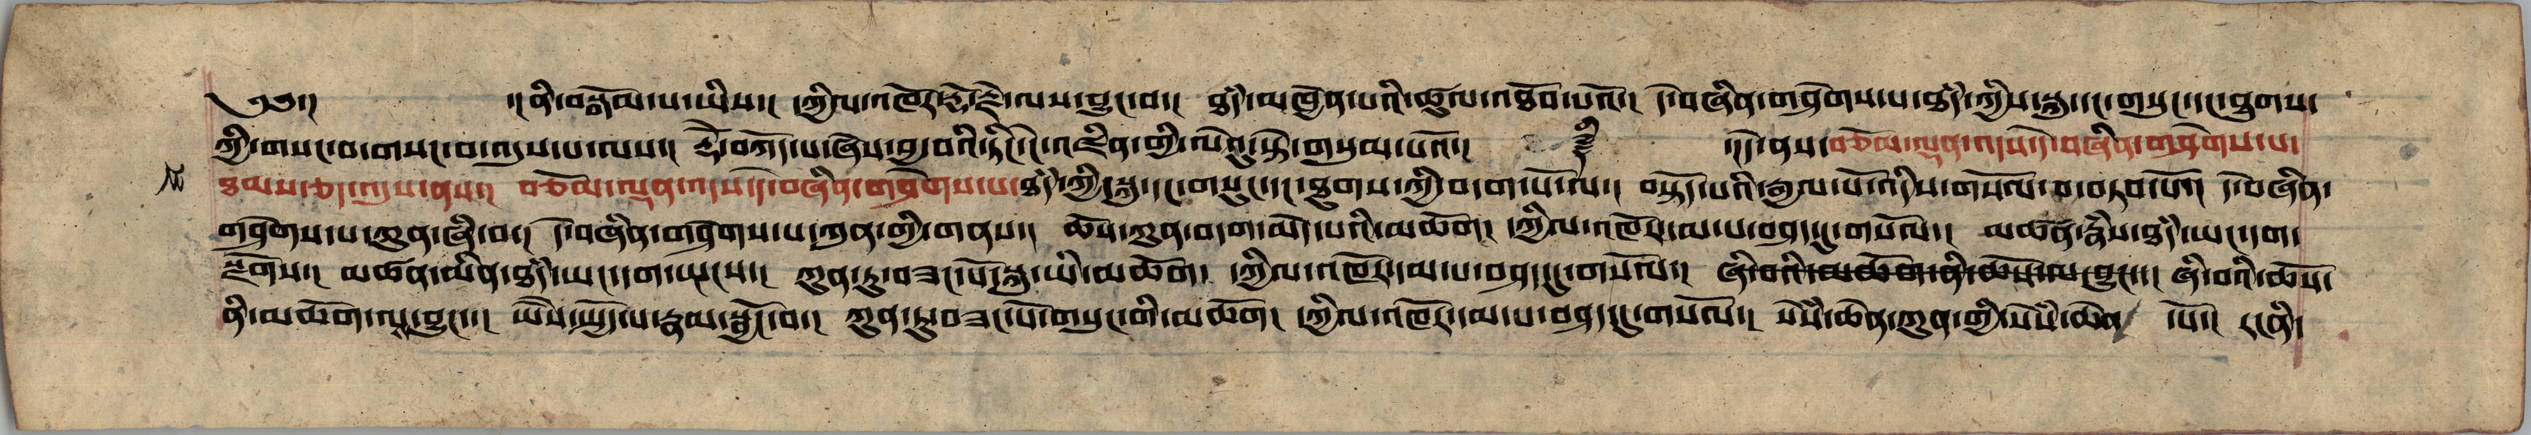༄༅་། ་།ནི་བསྒོམ་པ་ཡིས་། དཀྱིལ་འཁོར་རྡོ་རྗེ་ལས་བྱུང་བ་། ཐཾད་མཁྱེན་པའི་ཚུལ་འཐོབ་པའོ་། དེ་བཞིན་གཤེགས་པ་ཐཾད་ཀྱིས་སྐུང་དང་གསུང་དང་ཐུགས་
ཀྱི་གསང་བ་གསང་བ་འདུས་པ་ལས་། རྡོེ་བཀོད་པ་ཞེས་བྱ་བའི་ཏིང་ངེ་འཛིན་གྱི་ལེའུ་སྟེ་གསུམ་པའོ་། ༈ི ་།དེ་ནས་བཅོམ་ལྡན་འདས་དེ་བཞིན་གཤེགས་པ་
ཐམས་ཅད་འདུས་ནས་། བཅོམ་ལྡན་འདས་དེ་བཞིན་ཤེགས་པ་ཐཾད་ཀྱི་སྐུ་དང་གསུང་དང་ཐུགས་ཀྱི་བདག་པོ་ལ་། བསྟོད་པའི་རྒྱལ་པོ་འདིས་གསོལ་བ་བཏབ་པོ་། དེ་བཞིན་
གཤེགས་པ་ཀུན་ཞི་བ་། དེ་བཞིན་གཤེགས་པ་ཀུན་གྱི་གནས་། ཆོས་ཀུན་བདག་མེད་པའི་མཆོག། དཀྱིལ་འཁོར་དམ་པ་བཤད་དུ་གསོལ་། མཚན་རྣཾས་ཐཾད་ཡང་དག་
སྫོགས་། མཚན་མིན་ཐཾད་ཡང་དག་སྤངས་། ཀུན་ཏུ་བཟང་པོ་སྐུ་ཡི་མཆོག། དཀྱིལ་འཁོར་དམ་པ་བཤད་དུ་གསོལ་། ཞི་བའི་མཆོག་ནི་ཆོས་ལ་བྱུང་་། ཞི་བའི་ཆོས་
ནི་མཆོག་ལས་བྱུང་་། ཡཻས་སྤྱོད་པ་རྣམ་སྦྱོང་བ་། ཀུན་ཏུ་བཟང་པོ་གསུང་གི་མཆོག། དཀྱིལ་འཁོར་དམ་པ་བཤད་དུ་གསོལ་། སེཾས་ཆེན་ཀུན་གྱི་སེཾས་ཆེན་ པོ་། རངནི་